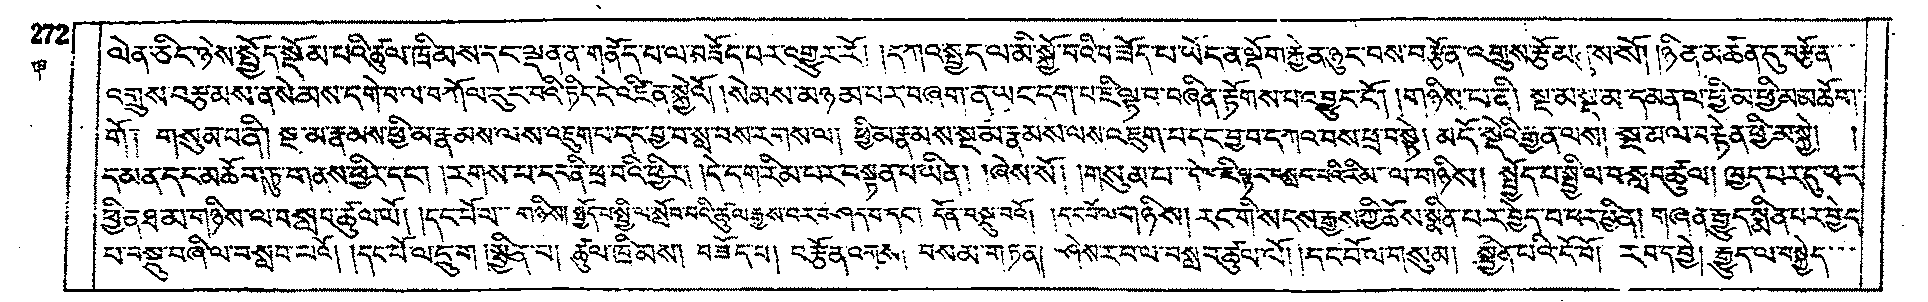ལེན་ཅིང་ཉེས་སྤྱོད་སྡོམ་པའི་ཚུལ་ཁྲིམས་དང་ལྡན་ན་གནོད་པ་ལ་བཟོད་པར་འགྱུར་རོ། །དཀའ་སྤྱད་ལ་མི་སྐྱོ་བའི་བཟོད་པ་ཡོད་ན་ལྡོག་རྐྱེན་ཉུང་བས་བརྩོན་འགྲུས་རྩོན་ནུས་སོ། །ཉིན་མཚན་དུ་བརྩོན་
འགྲུས་བརྩམས་ན་སེམས་དགེ་བ་ལ་བཀོལ་རུང་བའི་ཏིང་ངེ་འཛིན་སྐྱེའོ། །སེམས་མཉམ་པར་བཞག་ན་ཡང་དག་པ་ཇི་ལྟ་བ་བཞིན་རྟོགས་པ་འབྱུང་ངོ། །གཉིས་པ་ནི། སྔ་མ་སྔ་མ་དམན་ལ་ཕྱི་མ་ཕྱི་མ་མཆོག་
གོ༑ གསུམ་པ་ནི། སྔ་མ་རྣམས་ཕྱི་མ་རྣམས་ལས་འཇུག་པ་དང་བྱ་བ་སླ་བས་རགས་ལ། ཕྱི་མ་རྣམས་སྔ་མ་རྣམས་ལས་འཇུག་པ་དང་བྱ་བ་དཀའ་བས་ཕྲ་བ་སྟེ། མདོ་སྡེའི་རྒྱན་ལས། སྔ་མ་ལ་བརྟེན་ཕྱི་མ་སྐྱེ། །
དམན་དང་མཆོག་ཏུ་གནས་ཕྱིར་དང་། །རགས་པ་དང་ནི་ཕྲ་བའི་ཕྱིར། །དེ་དག་རིམ་པར་བསྟན་པ་ཡིན། །ཞེས་སོ། །གསུམ་པདེ་ལ་ཇི་ལྟར་བསླབ་པའི་རིམལ་གཉིས། སྤྱོད་པ་སྤྱི་ལ་བསླབ་ཚུལ། ཁྱད་པར་དུ་ཕར་
ཕྱིན་ཐ་མ་གཉིས་ལ་བསླབ་ཚུལ་ལོ། །དང་པོ་ལགཉིས། སྤྱོད་པ་སྤྱི་ལ་སློབ་པའི་ཚུལ་རྒྱས་པར་བཤད་པ་དང་། དོན་བསྡུ་བའོ། །དང་བོ་ལ་གཉིས། རང་གི་སངས་རྒྱས་ཀྱི་ཆོས་སྨིན་པར་བྱེད་པ་ཕར་ཕྱིན། གཞན་རྒྱུད་སྨིན་པར་བྱེད་
པ་བསྡུ་བཞི་ལ་བསླབ་པའོ། །དང་པོ་ལ་དྲུག །སྦྱིན་པ། ཚུལ་ཁྲིམས། བཟོད་པ། བརྩོན་འགས། བསམ་གཏན། ཤེས་རབ་ལ་བསླབ་ཚུལ་ལོ། །དང་པོ་ལ་གསུམ། སྦྱིན་པའི་ངོ་བོ། རབ་དབྱེ། རྒྱུད་ལ་བསྐྱེད་